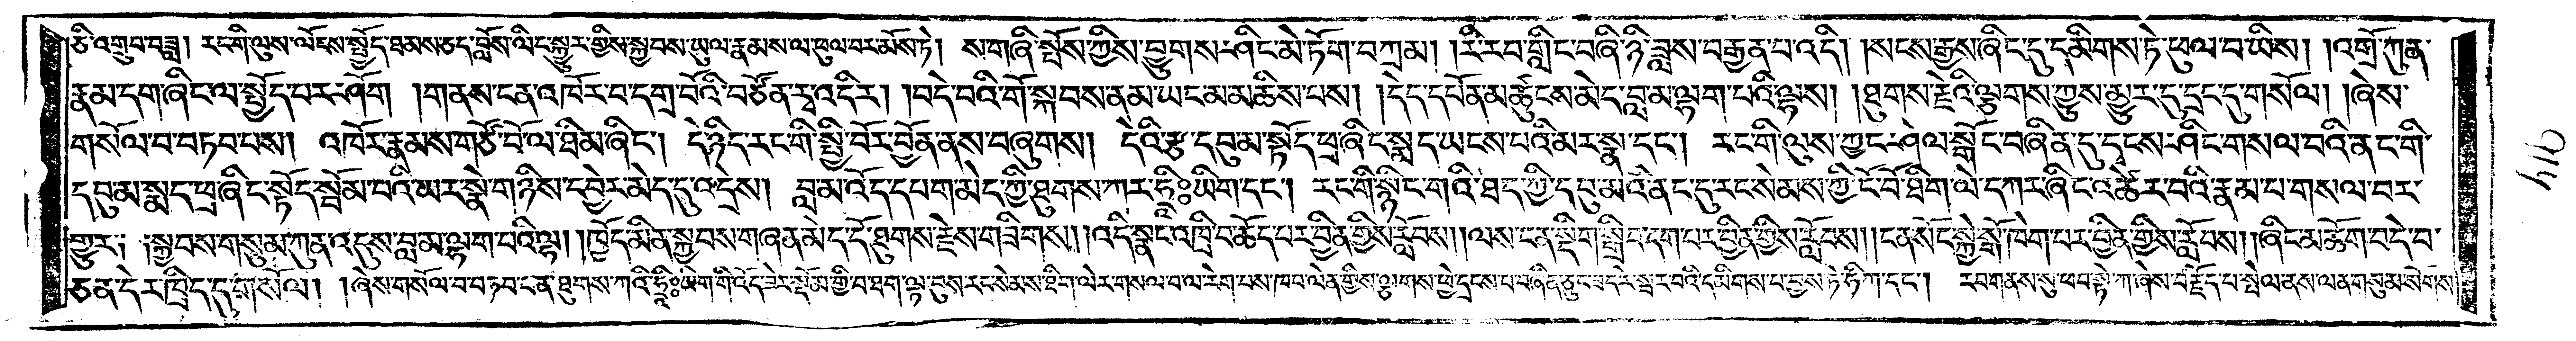ཅི་འགྲུབ་བཟླ། རང་གི་ལུས་ལོངས་སྤྱོད་ཐམས་ཅད་བློས་ལིང་སྐྱུར་གྱིས་སྐྱབས་ཡུལ་རྣམས་ལ་ཕུལ་བར་མོས་ཏེ། ས་གཞི་སྤོས་ཀྱིས་བྱུགས་ཤིང་མེ་ཏོག་བཀྲམ། །རི་རབ་གླིང་བཞི་ཉི་ཟླས་བརྒྱན་པ་འདི། །སངས་རྒྱས་ཞིང་དུ་དམིགས་ཏེ་ཕུལ་བ་ཡིས། །འགྲོ་ཀུན་
རྣམ་དག་ཞིང་ལ་སྤྱོད་པར་ཤོག །གནས་ངན་འཁོར་བ་དགྲ་བོའི་བཙོན་རྭ་འདིར། །བདེ་བའི་གོ་སྐབས་ནམ་ཡང་མ་མཆིས་པས། །དེད་དཔོན་མཚུངས་མེད་བླ་མ་ལྷག་པའི་ལྷས། །ཐུགས་རྗེའི་ལྕགས་ཀྱུས་མྱུར་དུ་དྲང་དུ་གསོལ། །ཞེས་
གསོལ་བ་བཏབ་པས། འཁོར་རྣམས་གཙོ་བོ་ལ་ཐིམ་ཞིང་། དེ་ཉིད་རང་གི་སྤྱི་བོར་བྱོན་ནས་བཞུགས། དེའི་རྩ་དབུ་མ་སྟོད་ཕྲ་ཞིང་སྨད་ཡངས་པའི་མར་སྣ་དང་། རང་གི་ལུས་ཀྱང་ཤེལ་སྒོང་བཞིན་དུ་དྭངས་ཤིང་གསལ་བའི་ནང་གི་
དབུམ་སྨད་ཕྲ་ཞིང་སྟོད་སྦོམ་པའི་ཡར་སྣེ་གཉིས་དབྱེར་མེད་དུ་འདྲེས། བླ་མ་འོད་དཔག་མེད་ཀྱི་ཐུགས་ཀར་ཧྲཱིཿ ཡིག་དང་། རང་གི་སྙིང་གའི་ཐད་ཀྱི་དབུ་མའི་ནང་དུ་རང་སེམས་ཀྱི་ངོ་བོ་ཐིག་ལེ་དཀར་ཞིང་འཚེར་བའི་རྣམ་པ་གསལ་བར་
གྱུར༑ ༑སྐྱབས་གསུམ་ཀུན་འདུས་བླ་མ་ལྷག་པའི་ལྷ། །ཁྱོད་མིན་སྐྱབས་གཞན་མེད་དོ་ཐུགས་རྗེས་གཟིགས། །འདི་སྣང་འཁྲི་བ་ཆོད་པར་བྱིན་གྱིས་རློབས། །ལས་ངན་སྡིག་སྒྲིབ་དག་པར་བྱིན་གྱིས་རློབས། །ངན་སོང་སྐྱེ་སྒོ་ཁེག་བར་བྱིན་གྱིས་རློབས། །ཞིང་མཆོག་བདེ་བ་
ཅན་དེར་ཁྲིད་དུ་གསོལ། །ཞེས་གསོལ་བ་བཏབ་བན་ཐུགས་ཀའི་ཧྲཱིཿམིག་གི་འོད་ཟེར་སྡོམ་གྱི་བ་ཐག་ལྟ་བུས་རང་སེམས་ཐིག་ལེར་གསལ་བལ་རེག་པས་ཁབ་ལེན་གྱིས་ལྕགས་ཕྱེ་དྲངས་པ་བཞིན་ཅུང་ཟད་རེ་སྦར་བའི་དམིགས་པ་བྱས་ཏེ་ཧི་ཀ་དང་། རབ་གནས་སུ་བ་བསྟེ་ཀ་ཞེས་བརྗོད་བ་སྦེལ་ནས་ལན་གསུམ་སོགས་